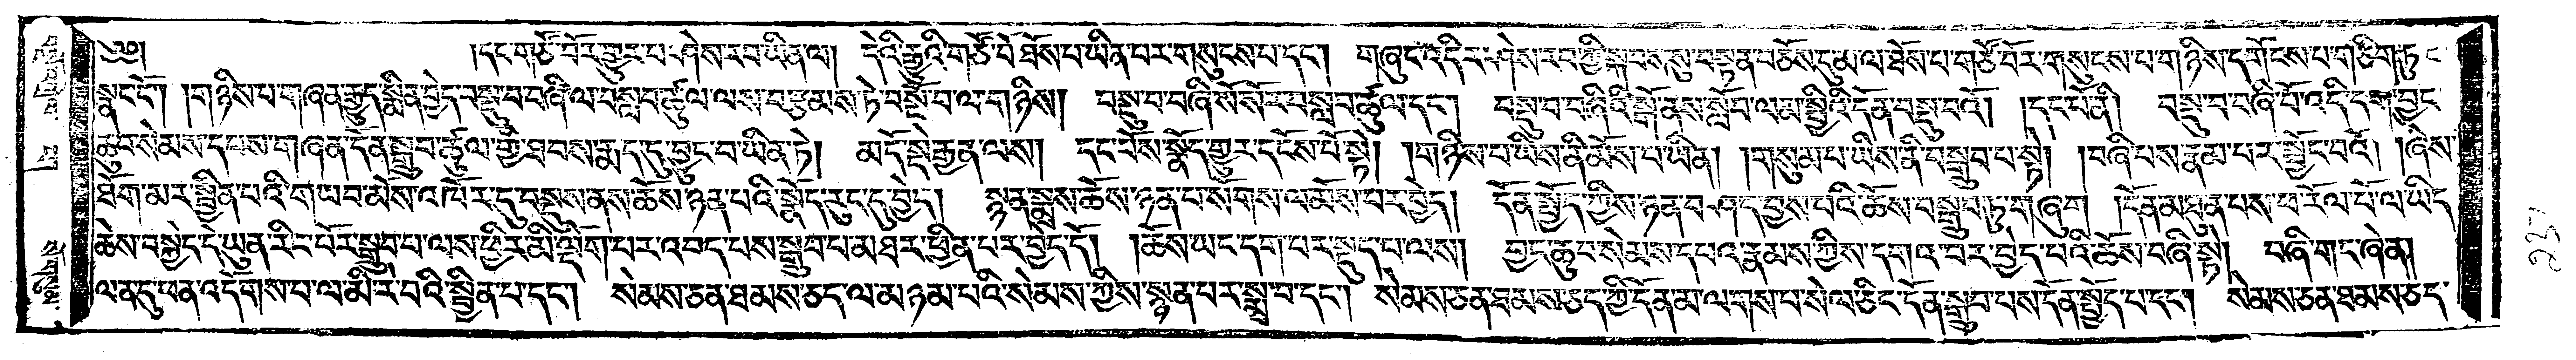༄༅། །དང་གཙོ་བོར་གྱུར་པ་ཤེས་རབ་ཡིན་ལ། དེའི་རྒྱུའི་གཙོ་བོ་ཐོས་པ་ཡིན་པར་གསུངས་པ་དང་། གཞུང་འདིར་ཤེས་རབ་ཀྱི་སྐབས་སུ་བསྟན་བཅོས་དུ་མ་ལ་ཐོས་པ་གཙོ་བོར་གསུངས་པ་གཉིས་དགོངས་པ་གཅིག་ཏུ་
སྣང་ངོ། །གཉིས་པ་གཞན་རྒྱུད་སྨིན་བྱེད་བསྡུ་བ་བཞི་ལ་བསླབ་ཚུལ་ལས་བརྩམས་ཏེ་བསྔོ་བ་ལ་གཉིས། བསྡུ་བ་བཞི་སོ་སོར་བསླབ་ཚུལ་དང་། བསྡུ་བ་བཞིའི་སྒོ་ནས་སློབ་ལམ་སྤྱིའི་དོན་བསྡུ་བའོ། །དང་པོ་ནི། བསྡུ་བ་བཞི་པོ་འདི་དག་བྱང་
ཆུབ་སེམས་དཔས་གཞན་དོན་སྒྲུབ་ཚུལ་གྱི་ཐབས་རྨད་དུ་བྱུང་བ་ཡིན་ཏེ། མདོ་སྡེ་རྒྱན་ལས། དང་པོས་སྣོད་གྱུར་དངོས་པོ་སྟེ། །གཉིས་པ་ཡིས་ནི་མོས་པ་ཡིན། །གསུམ་པ་ཡིས་ནི་བསྒྲུབ་བ་སྟེ། །བཞི་པས་རྣམ་པར་སྦྱོང་བའོ། །ཞེས་
ཐོག་མར་སྦྱིན་པའི་གཡབ་མོས་འཁོར་དུ་བསྡུས་ནས་ཆོས་ཉན་པའི་སྣོད་རུང་དུ་བྱེད། སྙན་སྨྲས་ཆོས་ཉན་པ་སོགས་ལ་མོས་པར་བྱེད། དོན་སྦྱོད་ཀྱིས་ཉན་བཤད་བྱས་པའི་ཆོས་བསྒྲུབ་ཏུ་གཞུག །དོན་མཐུན་པས་ཕ་རོལ་པོ་ལ་ཡིད་
ཆེས་བསྐྱེད་དེ་ཡུན་རིང་པོར་སྒྲུབ་པ་ལས་ཕྱིར་མི་ལྡོག་པར་འབད་པས་སྒྲུབ་པ་མཐར་ཕྱིན་པར་བྱེད་དོ། །ཆོས་ཡང་དག་པར་བསྡུས་པ་ལས། བྱང་ཆུབ་སེམས་དཔའ་རྣམས་ཀྱིས་དགའ་བར་བྱེད་པའི་ཆོས་བཞི་སྟེ། བཞི་གང་ཞེ་ན་
ལན་དུ་ཕན་འདོགས་པ་ལ་མི་རེ་བའི་སྦྱིན་པ་དང་། སེམས་ཅན་ཐམས་ཅད་ལ་མཉམ་པའི་སེམས་ཀྱིས་སྙན་པར་སྨྲ་བ་དང་། སེམས་ཅན་ཐམས་ཅད་ཀྱི་དོན་མ་ལགས་པ་སེལ་ཅིང་དོན་སྒྲུབ་པས་དོན་སྤྱོད་པ་དང་། སེམས་ཅན་ཐམས་ཅད་